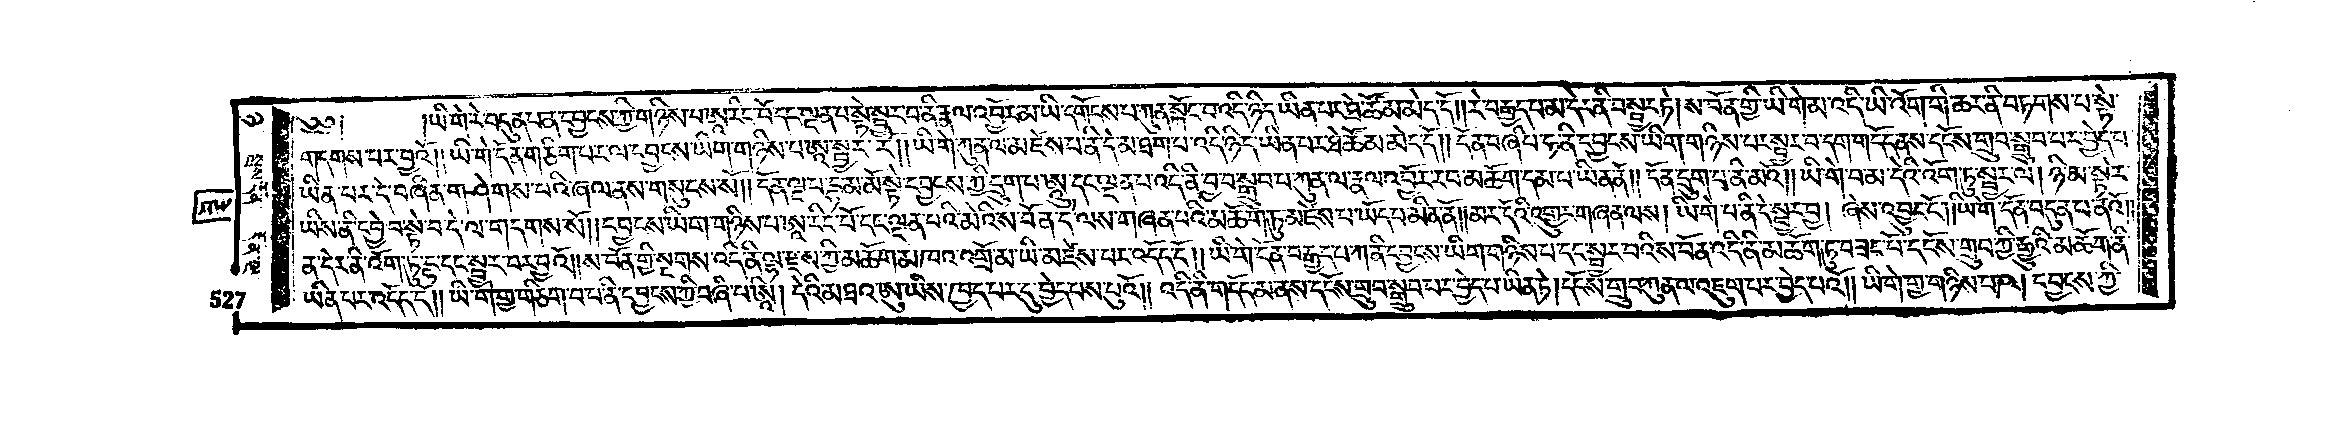༄༅། །ཡི་གེ་རེ་བདུན་པ་ན་དབྱངས་ཀྱི་གཉིས་པ་ཨཱ་རིང་པོ་དང་ལྡན་པ་སྟེ་སྦྱར་བ་ནི་རྣལ་འབྱོར་མ་ཡི་དགོངས་པ་ཀུན་སྐོང་བ་འདི་ཉིད་ཡིན་པར་ཐེ་ཚོམ་མེད་དོ། །རེ་བརྒྱད་པ་མ་དེར་ནི་བ་སྦྱར་ཏེ། ས་བོན་གྱི་ཡི་གེ་མ་འདི་ཡི་འོག་གི་ཆར་ནི་བཏགས་པ་སྟེ་
གདགས་པར་བྱའོ། །ཡི་གེ་དོན་གཅིག་པར་ལ་དབྱངས་ཡིག་གཉིས་པ་ཨཱ་སྦྱར་རོ། །ཡི་གེ་ཀུན་ལ་མཛེས་པ་ནི་དེ་མ་ཐག་པ་འདི་ཉིད་ཡིན་པར་ཐེ་ཚོམ་མེད་དོ། །དོན་བཞི་པ་ཧ་ནི་དབྱངས་ཡིག་གཉིས་པར་སྦྱར་བ་དག་གདོད་ནས་དངོས་གྲུབ་སྒྲུབ་པར་བྱེད་པ་
ཡིན་པར་དེ་བཞིན་གཤེགས་པའི་ཞལ་ནས་གསུངས་སོ། །དོན་ལྔ་པ་དྷ་མ་མོ་སྟེ་དབྱངས་ཀྱི་དྲུག་པ་ཨཱུ་དང་ལྡན་པ་འདི་ནི་བྱ་བ་སྒྲུབ་པ་ཀུན་ལ་རྣལ་འབྱོར་རབ་མཆོག་དམ་པ་ཡིན་ནོ། །དོན་དྲུག་པ་ནི་མའོ། །ཡི་གེ་བ་མ་དེའི་འོག་ཏུ་སྦྱར་ལ། ཉི་མ་སྟེ་ར་
ཡིས་ནི་དབྱེ་བ་སྟེ་བ་དེ་ལ་གདགས་སོ། །དབྱངས་ཡིག་གཉིས་པ་ཨཱ་རིང་པོ་དང་ལྡན་པའི་མེའི་ས་བོན་དེ་ལས་གཞན་པའི་མཆོག་ཏུ་མཛེས་པ་ཡོད་པ་མིན་ནོ། །མར་དོའི་འགྱུར་གཞན་ལས། ཡི་གེ་པ་ནི་དེ་སྦྱར་བྱ། ཞེས་འབྱུང་ངོ། །ཡི་གེ་དོན་བདུན་པ་ནའོ། །
ན་དེར་ནི་འོག་ཏུ་དྷ་དང་སྦྱར་བར་བྱའོ། །ས་བོན་གྱི་སྔགས་འདི་ནི་ལྷ་རྫས་ཀྱི་མཆོག་མཁའ་འགྲོ་མ་ཡི་མཛེས་པར་འདོད་དོ། །ཡི་གེ་དོན་བརྒྱད་པ་ཀ་ནི་དབྱངས་ཡིག་གཉིས་པ་དང་སྦྱར་བའི་ས་བོན་འདི་ནི་མཆོག་ཏུ་བཟང་པོ་དངོས་གྲུབ་ཀྱི་རྒྱུའི་མཆོག་ནི་
ཡིན་པར་འདོད་དོ། །ཡི་གེ་གྱ་གཅིག་པ་པ་ནི་དབྱངས་ཀྱི་བཞི་པ་ཨཱི། དེའི་མཐའ་ཨུ་ཡིས་ཁྱད་པར་དུ་བྱེད་པས་པུའོ། །འདི་ནི་གདོད་མ་ནས་དངོས་གྲུབ་སྒྲུབ་པར་བྱེད་པ་ཡིན་ཏེ། དངོས་གྲུབ་ཀུན་ལ་འཇུག་པར་བྱེད་པའོ། །ཡི་གེ་གྱ་གཉིས་པ་ཥ། དབྱངས་ཀྱི་